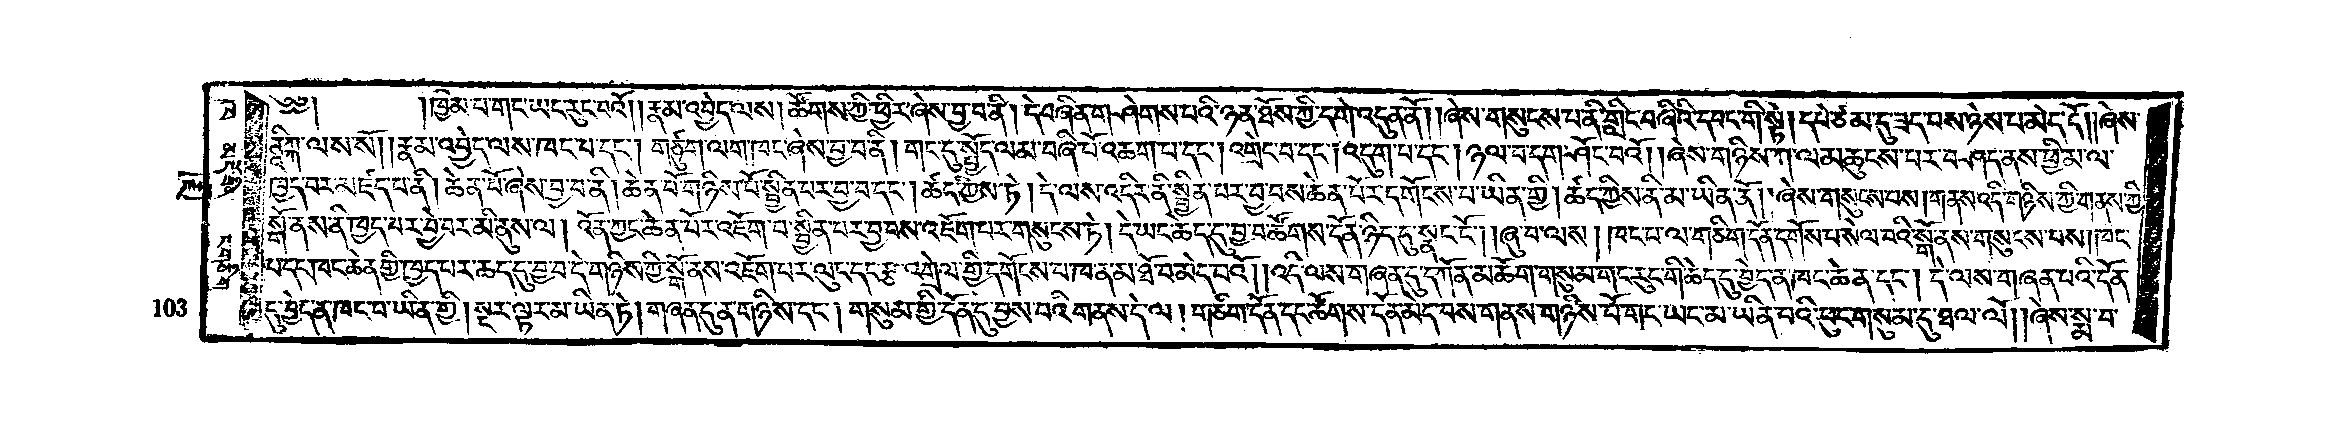༄༅། །ཁྱིམ་པ་གང་ཡང་རུང་བའོ། །རྣམ་འབྱེད་ལས། ཚོགས་ཀྱི་ཕྱིར་ཞེས་བྱ་བ་ནི། དེ་བཞིན་གཤེགས་པའི་ཉན་ཐོས་ཀྱི་དགེ་འདུན་ནོ། །ཞེས་གསུངས་པ་ནི་གླིང་བཞིའི་དབང་གི་སྟེ། དཔེ་ཙམ་དུ་ཟད་པས་ཉེས་པ་མེད་དོ། །ཞེས་
ཊཱིཀྐ་ལས་སོ། །རྣམ་འབྱེད་ལས་ཁང་པ་དང་། གཙུག་ལག་ཁང་ཞེས་བྱ་བ་ནི། གང་དུ་སྤྱོད་ལམ་བཞི་པོ་འཆག་པ་དང་། འགྲེང་བ་དང་། འདུག་པ་དང་། ཉལ་བ་དག་ཤོང་བའོ། །ཞེས་གཉིས་ཀ་ལ་མཆུངས་པར་བཤད་ནས་ཕྱི་མ་ལ་
ཁྱད་པར་མཛད་པ་ནི། ཆེན་པོ་ཞེས་བྱ་བ་ནི། ཆེན་པོ་གཉིས་པོ་སྦྱིན་པར་བྱ་བ་དང་། ཚད་ཀྱིས་ཏེ། དེ་ལས་འདིར་ནི་སྦྱིན་པར་བྱ་བས་ཆེན་པོར་དགོངས་པ་ཡིན་གྱི། ཚད་ཀྱིས་ནི་མ་ཡིན་ནོ། །ཞེས་གསུངས་པས། གནས་འདི་གཉིས་ཀྱི་གནས་ཀྱི་
སྒོ་ནས་ནི་ཁྱད་པར་བྱེ་བར་མི་ནུས་ལ། འོན་ཀྱང་ཆེན་པོར་འཇོག་པ་སྦྱིན་པར་བྱ་བས་འཇོག་པར་གསུངས་ཏེ། དེ་ཡང་ཆེད་དུ་བྱ་བ་ཚོགས་དོན་ཉིད་དུ་སྣང་ངོ། །ཞུ་བ་ལས། ཁང་པ་ལ་གཅིག་དོན་དགོས་པ་སེལ་བའི་སྒོ་ནས་གསུངས་པས། ཁང་
པ་དང་ཁང་ཆེན་གྱི་ཁྱད་པར་ཆད་དུ་བྱ་བ་དེ་གཉིས་ཀྱི་སྒོ་ནས་འཇོག་པར་ལུང་དང་རྩ་འགྲེལ་གྱི་དགོངས་པ་ཁ་ན་མ་ཐོ་བ་མེད་པའོ། །འདི་ལས་གཞན་དུ་དཀོན་མཆོག་གསུམ་གང་རུང་གི་ཆེད་དུ་བྱེད་ན་ཁང་ཆེན་དང་། དེ་ལས་གཞན་པའི་དོན་
དུ་བྱེད་ན་ཁང་པ་ཡིན་གྱི། སྔར་ལྟར་མ་ཡིན་ཏེ། གཞན་དུ་ན་གཉིས་དང་། གསུམ་གྱི་དོན་དུ་བྱས་པའི་གནས་དེ་ལ། གཅིག་དོན་དང་ཚོགས་དོན་མེད་བས་གནས་གཉིས་པོ་གང་ཡང་མ་ཡིན་པའི་ཕུང་གསུམ་དུ་ཐལ་ལོ། །ཞེས་སྨྲ་བ་